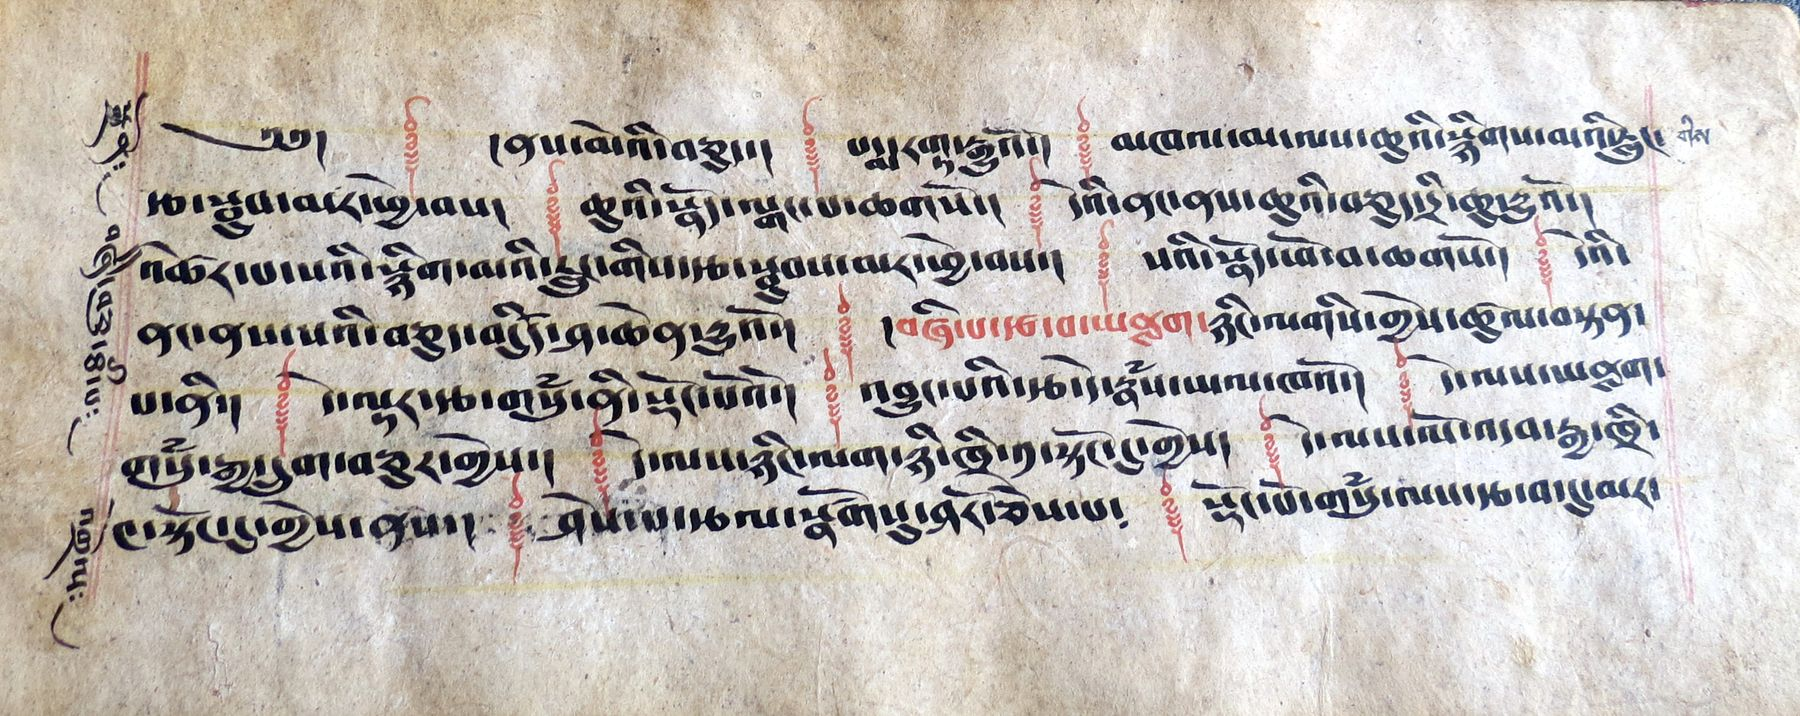ན་མེའི་བཅུད། པདྨ་རཀྟ་རྒྱུའོ། །མཁལ་མ་ལས་ཆུའི་སྙིགས་མའི་རླུང་གིས། 
རྩ་སྦུབས་མར་ཕྱེས་བས། ཆུའི་སྣོད་ལྒང་པ་ཆགས་སོ། །དེའི་ནང་ན་ཆུའི་བཅུད་དྲི་ཆུ་རྒྱུའོ། །
མཚེར་བ་ལས་སའི་སྙིགས་མའི་རླུང་གིས་རྩ་སྦུབས་མར་ཕྱེས་བས། སའི་སྣོད་ཕོ་བ་ཆགས་སོ། །དེའི་
ནང་ནས་སའི་བཅུད་བདུད་རྩི་ཤ་ཆེན་རྒྱུའོ། །བཞི་པ་རྩ་ཡན་ལག་ཉིང་ལག་གི་གྱེས་ཚུལ་བསྟན་
པ་ནི། དེ་ལྟར་རྩ་གསུམ་ནི་སྡོང་པོའོ། །འབྱུང་བའི་རྩ་དེ་རྣམས་ནི་ཡལ་གའོ། །དེ་ལས་ཡན་ལག་
སུམ་བརྒྱ་དྲུག་ཅུར་གྱེས། དེ་ལས་ཉིང་ལག་ཉི་ཁྲི་གཅིག་སྟོང་དུ་གྱེས། དེ་ལས་ལོ་འདབ་བརྒྱད་ཁྲི་
བཞི་སྟོང་དུ་གྱེས་ནས། ཤེས་པའི་རྩལ་སྣ་ཚོགས་སུ་ཤར་རོ། །ཞེས་པས། སྡོང་པོ་གསུམ་ལས་རྩ་དུ་མར་